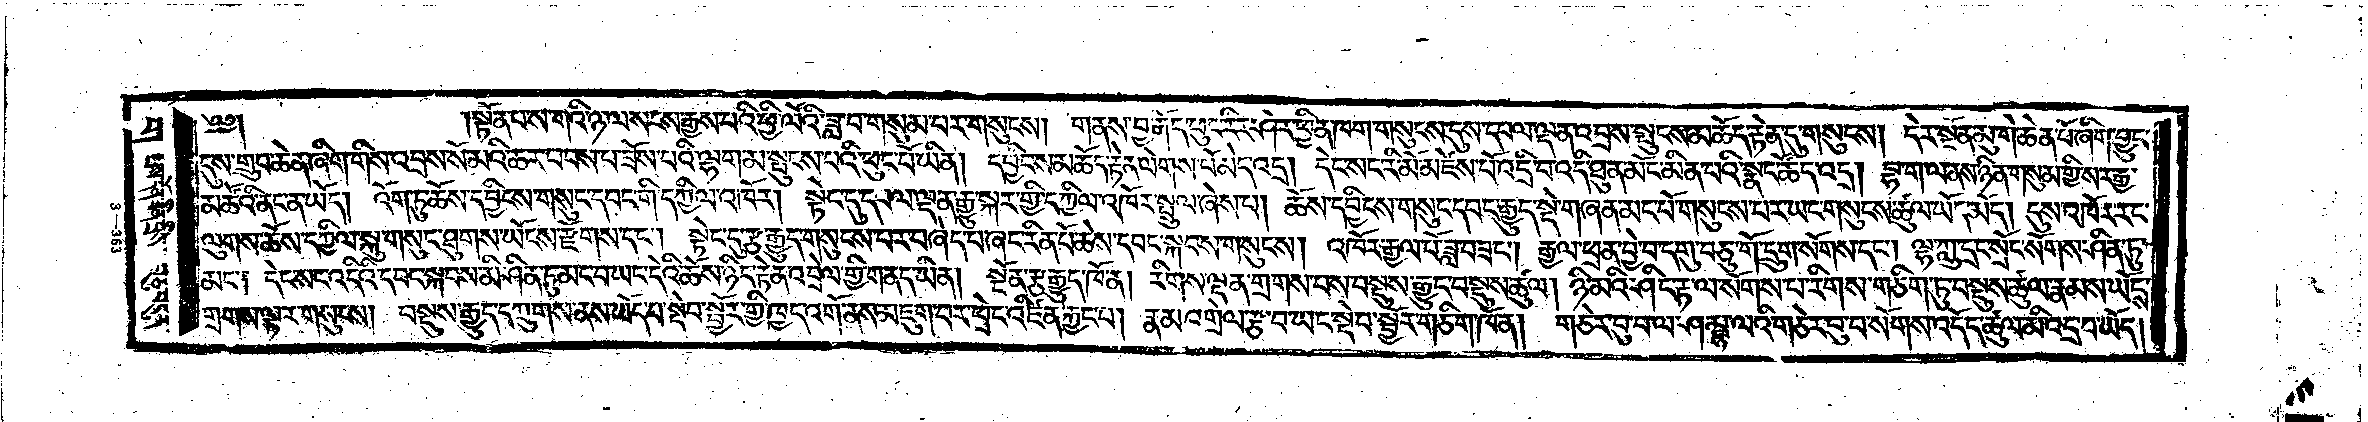༄༅། །སྟོན་པས་ས་གའི་ཉ་ལ་སངས་རྒྱས་པའི་ཕྱི་ལོའི་ཟླ་བ་གསུམ་པར་གསུངས། གནས་བྱ་རྒོད་ཕུང་རིར་ཤེར་བྱིན་ཁག་གསུངས་དུས་དཔལ་ལྡན་འབྲས་སྤུངས་མཆོད་རྟེན་དུ་གསུངས། དེར་སྔོན་མུ་གེ་ཆེན་པོ་ཞིག་བྱུང་
དུས་གྲུབ་ཆེན་ཞིག་གིས་འབྲས་སོ་མའི་ཆར་བབས་པ་ཟོས་པའི་ལྷག་མ་སྤུངས་པའི་ཕུང་པོ་ཡིན། དབྱིངས་མཆོད་རྟེན་ལེགས་པོ་མེད་འདྲ། དེང་སང་རི་མོ་མཛེས་པོ་འདྲི་བ་འདི་ཐུན་མོང་མིན་པའི་སྣང་ཚོད་འདྲ། བྷ་ག་ལ་ནས་ཉིན་གསུམ་གྱི་སར་རྒྱ་
མཚོའི་ནང་ན་ཡོད། འོག་ཏུ་ཆོས་དབྱིངས་གསུང་དབང་གི་དཀྱིལ་འཁོར། སྟེང་དུ་དཔལ་ལྡན་རྒྱུ་སྐར་གྱི་དཀྱིལ་འཁོར་སྤྲུལ་ཞེས་པ། ཆོས་དབྱིངས་གསུང་དབང་རྒྱུད་སྡེ་གཞན་མང་པོ་གསུངས་པར་ཡང་གསུངས་ཚུལ་ཡོད་མོད། དུས་འཁོར་རང་
ལུགས་ཆོས་དཀྱིལ་སྐུ་གསུང་ཐུགས་ཡོངས་རྫོགས་དང་། སྟེང་དུ་རྩ་རྒྱུད་གསུངས་པར་བཞེད་པ་ཞང་རིན་པོ་ཆེས་དབང་སྐབས་གསུངས། འཁོར་རྒྱལ་པོ་ཟླ་བཟང་། རྒྱལ་ཕྲན་བྱེ་བ་དགུ་བཅུ་གོ་དྲུག་སོགས་དང་། ལྷ་ཀླུ་དྲང་སྲོང་སོགས་ཤིན་ཏུ་
མང༑ དེང་སང་འདིའི་དབང་སྐབས་མི་ཤིན་ཏུ་མང་བ་ཡང་དེའི་ཆོས་ཉིད་རྟེན་འབྲེལ་གྱི་གནད་ཡིན། སྔོན་རྩ་རྒྱུད་ཁོ་ན། རིགས་ལྡན་གྲགས་བས་བསྡུས་རྒྱུད་བསྡུས་ཚུལ། ཉི་མའི་ཤིང་རྟ་ལ་སོགས་པ་རིགས་གཅིག་ཏུ་བསྡུས་ཚུལ་རྣམས་ཡོངས་
གྲགས་ལྟར་གསུངས། བསྡུས་རྒྱུད་དཀྲུགས་ནས་ཡོད་པ་སྡེབ་སྦྱོར་གྱི་ཁྱད་འགོ་ནས་མཇུག་པར་ཕྲེང་འཛིན་རྐྱང་པ། རྣམ་འགྲེལ་རྩ་བ་ཡང་སྡེབ་སྦྱོར་གཅིག་ཁོ་ན། གཅེར་བུ་བ་ལ་ཤམྦྷ་ལའི་གཅེར་བུ་བ་སོགས་འདོད་ཚུལ་མི་འདྲ་བ་ཡོད།